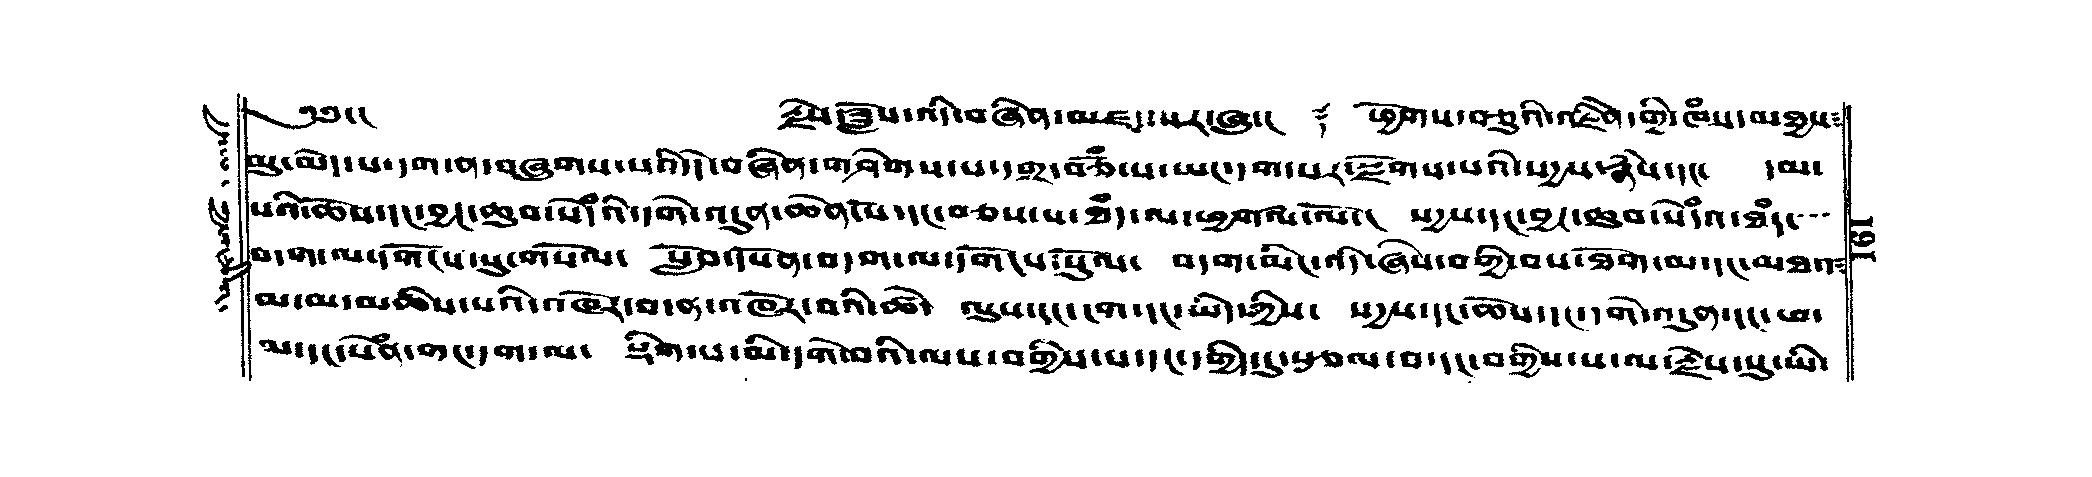རྗེས་ཟློས་འདི་བཞིན་མཛད་པར་ཞུ། ༈ ཕྱོགས་བཅུའི་འཇིག་རྟེན་གྱི་ཁམས་མཐའ་ཡས་
མུ་མེད་པ་དག་ན་བཞུགས་པའི་དེ་བཞིན་གཤེགས་པ་དགྲ་བཅོམ་པ་ཡང་དག་པར་རྫོགས་པའི་སངས་རྒྱས་རྣམས་དང་། དམ་
པའི་ཆོས་དང་བྱང་ཆུབ་སེམས་དཔའི་དགེ་འདུན་ཆེན་པོ་དང་བཅས་པ་ཐམས་ཅད་ལ་ཕྱག་འཚལ་ལོ། སངས་རྒྱས་དང་བྱང་ཆུབ་སེམས་དཔའ་ཐམས་ཅད་
བདག་ལ་དགོངས་སུ་གསོལ། སློབ་དཔོན་བདག་ལ་དགོངས་སུ་གསོལ། བདག་མིང་འདི་ཞེས་བགྱི་བས་ཐོག་མ་དང་མཐའ་
མ་མ་མཆིས་པའི་འཁོར་བ་ན་འཁོར་བའི་ཚེ།ལུས་དང་ངག་དག་ཡིད་ཀྱིས། སངས་རྒྱས་དང་ཆོས་དང་དགེ་འདུན་དང་ཕ་
མ་དང་སེམས་ཅན་གང་དག་ལ། སྡིག་པ་མི་དགེ་བའི་ལས་བགྱིས་པ་དང་དགྱིད་དུ་སྩལ་བ་དང་བགྱིས་པ་ལ་རྗེས་སུ་ཡི་